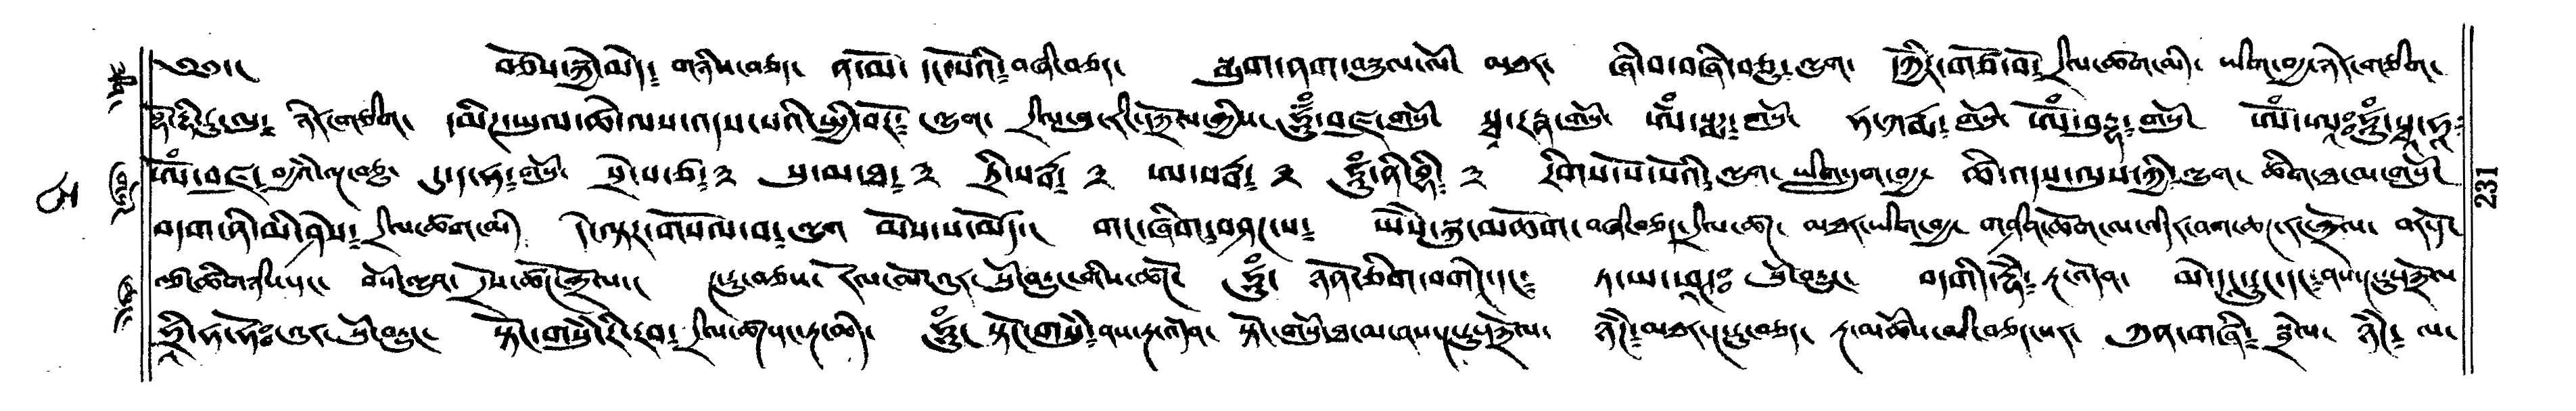བཅོས་སྐྱེ་མེད༴ གཉིས་བཅད། ན་མོཿདང་པོའི༴བཞི་བཅད། སྨུག་ནག༴ བསྐུལ་ལམ། མཐར། ཞི་བ་ཞི་བཅུ༴ ལྷུག དཀྱིལ་འཁོར་གཙོ་བོ༴ ཡིག་བརྒྱ་ཉེར་གཅིག 
བྷོ་དྷི་རུ་ལུ༴ ཉེར་གཅིག དམིགས་ཡུལ་ཚེ་ལས་འདས་པའི་སྤྱི་བོར༴ ལྷུག དྲིལ་བུ་རིང་དཀྲོལ་གྱིས་ཧཱུྃ་བཛྲ༴ གསུམ། སྭ་རཏྣ༴ གསུམ། ཨོཾ་པདྨ༴ གསུམ། ཧཱ་ཀརྨ༴ གསུམ། ཨོཾ་བུདྡྷ༴ གསུམ། ཨོཾ་ཨཱཿཧཱུྃ་སྭ་ཧཱ་
ཨོཾ་བཛྲ༴ བརྒྱའམ་ལྔ་བཅུ། དུ་ད་ཧ༴ གསུམ། པྲེ་པ་ཙ༴ གསུམ། སུ་མ་ཐ༴ གསུམ། ཏྲི་སརྦ༴ གསུམ། ཨ་སརྦ༴ གསུམ། ཧཱུཾ་ནི་བྷི༴ གསུམ། རིགས་སོ་སོའི༴ ལྷུག ཡིག་དྲུག་བརྒྱ། ཚེ་འདས་ལུས་ཀྱི༴ ལྷུག ཚིག་མཐའ་མ་གསུམ། 
བདག་ནི་མི་ཤེས༴ དྲིལ་ཚག་མེད། དེ་ལྟར་གསོལ་བ༴ ལྷུག མོས་པ་མཛོད། གང་ཞིག་བཤགས་པ༴ ཡེ་ཤེས་སྐུ་མཆོག༴ བཞི་བཅད་དྲིལ་ཚག མཐར་ཡིག་བརྒྱ། གཤིན་ཆོག་ལ་འདིར་བག་ཆགས་རང་གྲོལ། བར་དོ་
རྩ་ཚིག་གཉིས་དང་། བསམ་ལྷུན། དྲོ་ཚོགས་གྲོལ། ཌཱ་རུ་བཅས། རོལ་མོ་འུར། སུམ་རྡུང་གི་སཚོགས། ཧཱུྃ༔ ཉོན་ཅིག་བགེགས་དང༴ ཏ་ཡ་ཕཱཊཿ སུམ་བརྡུང་། བདག་གི་རྡོ་རྗེ༴ རྔ་འདོན། མེ་དང་རླུང་དང༴ ནས་ད་རུ་དཀྲོལ། 
ཧྲཱི་ཧ་ཧོཿ འུར། སུམ་བརྡུང་། སྟོང་གསུམ་རི་རབ༴ དྲིལ་ཚག་དང་རྔ་ཆོད། ཧཱུྃ༔ སྟོང་གསུམ༴ ནས་རྔ་འདོན། སྟོང་གསུམ་ཐ་མ་ནས་ཌཱ་རུ་དཀྲོལ། ཉམས་ཆག༴ མཐར་ཌཱ་རུ་བཅད། རྔ་མཚམས་མི་བཅད་པར ། ཀུནགཞི༴ སྦྲེལ། ཉམས་ཆག༴ ལ་